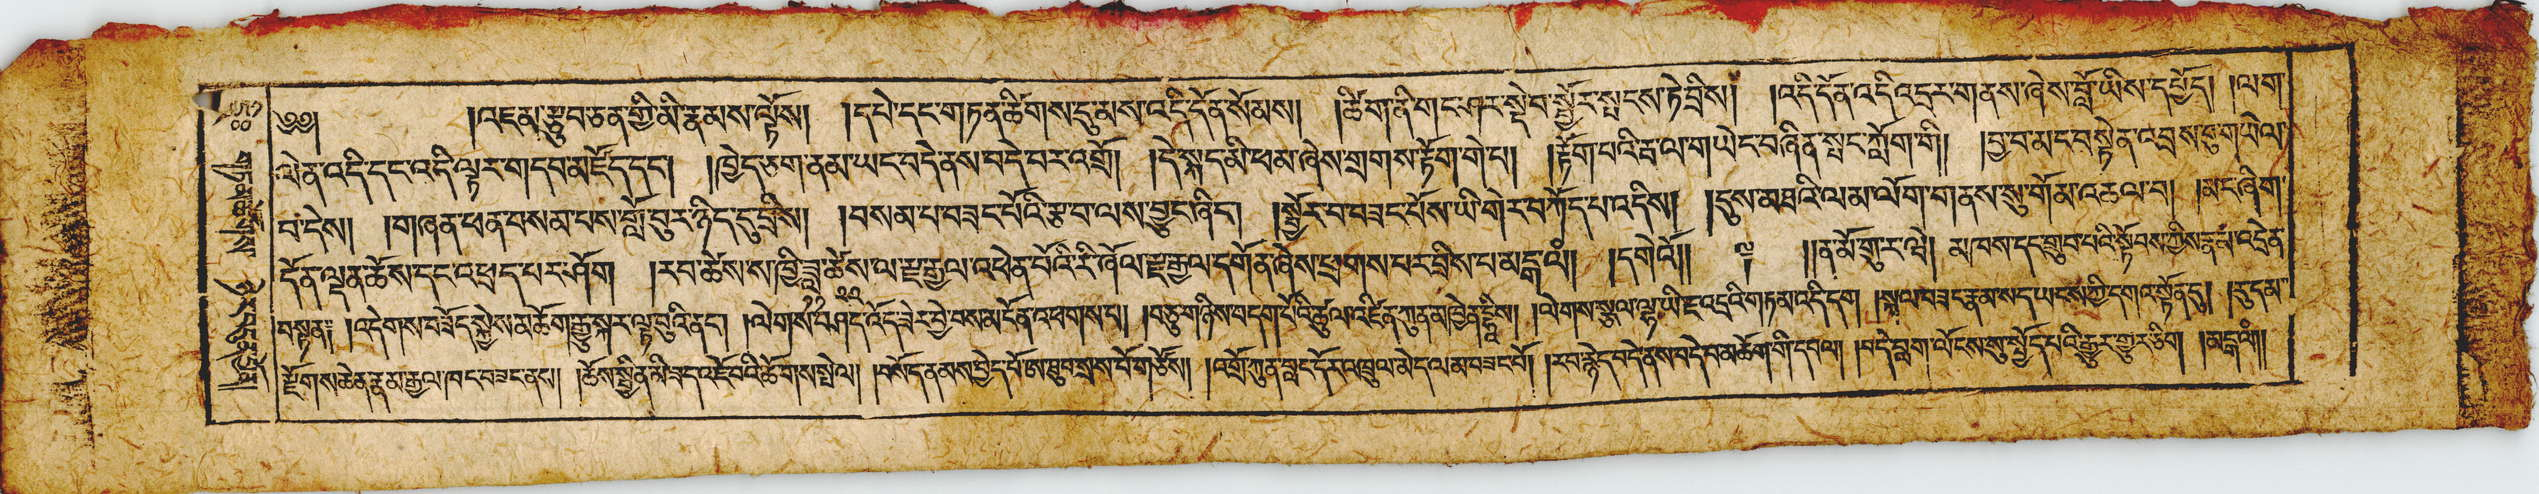འཇམ་རྩུབ་ཅན་གྱི་མི་རྣམས་ལྟོས། །དཔེ་དང་གཏན་ཚིགས་དུ་མས་འདི་དོན་སོམས། །ཚིག་ནི་གང་ཤར་སྡེབ་སྦྱོར་སྤངས་ཏེ་བྲིས། །འདི་དོན་འདི་འདྲར་གནས་ཞེས་བློ་ཡིས་དཔྱོད། །ལག་
ལེན་འདི་དང་འདི་ལྟར་གདབ་མཛོད་དང་། །ཁྱེད་ཅག་ནམ་ཡང་བདེ་ནས་བདེ་བར་འགྲོ། །དེ་སྐད་མི་ཕམ་ཞེས་གྲགས་རྟོག་གེ་པ། །རྟོག་པའི་རྦ་ལ་གཡེང་བཞིན་སྤང་ཀློག་གི། །བྱ་བ་མང་བསྟེན་འབྲས་བུ་གཡེལ་
བ་དེས། །གཞན་ཕན་བསམ་པས་གློ་བུར་ཉིད་དུ་བྲིས། །བསམ་པ་བཟང་པོའི་རྩ་བ་ལས་བྱུང་ཞིང། །སྦྱོར་བ་བཟང་པོས་ཡི་གེར་བཀོད་པ་འདིས། །དུས་མཐའི་ལམ་ལོག་གནས་སུ་གོམ་འཆལ་བ། །མང་ཞིག་
དོན་ལྡན་ཆོས་དང་འཕྲད་པར་ཤོག །རབ་ཚེས་ས་ཁྱི་ཟླ་ཚེས་ལ་རྫ་རྒྱལ་འཕེན་པོའི་རི་ཞོལ་རྫ་རྒྱལ་དགོན་ཞེས་གྲགས་པར་བྲིས་པ་མངྒ་ལཾ། །དགེའོ།། ༈ །།ན་མོ་གུ་ར་ཝེ། མཁས་དང་གྲུབ་པའི་སྟོབས་ཀྱིས་རྣམ་འདྲེན་
བསྟན། །འདེགས་བཟོད་སྐྱེས་མཆོག་རྒྱུ་སྐར་ལྟ་བུའི་ནང་། །ལེགས་བཤད་འོད་ཟེར་བྱེ་བས་མངོན་འཕགས་པ། །བཅུ་གཉིས་བདག་པོའི་ཚུལ་འཛིན་ཀུན་མཁྱེན་དྷཱིཿས། །ལེགས་སྩལ་ལྷ་ཡི་ཇ་འདྲའི་གཏམ་འདི་དག །སྐལ་བཟང་རྣམ་སད་ཡོངས་ཀྱི་དགའ་སྟོན་དུ། །རུ་དམ་
རྫོགས་ཆེན་རྣམ་རྒྱལ་ཁང་བཟང་ནས། །ཆོས་སྤྱིན་མི་ཟད་འཇོ་བའི་ཆོ་གས་སྤེལ། །བསོད་ནམས་བྱེད་པོ་ཨ་ཐུབ་སྲས་པོ་གཙོས། །འགྲོ་ཀུན་བླང་དོར་འཁྲུལ་མེད་ལམ་བཟང་པོ། །རབ་རྙེད་བདེ་ནས་པདེ་བ་མཆོག་གི་དཔལ། །བདེ་བླག་ཡོངས་སུ་སྤྱོདཔའི་རྒྱུར་གྱུར་ཅིག། །སརྦ་མངྒ་ལཾ།།